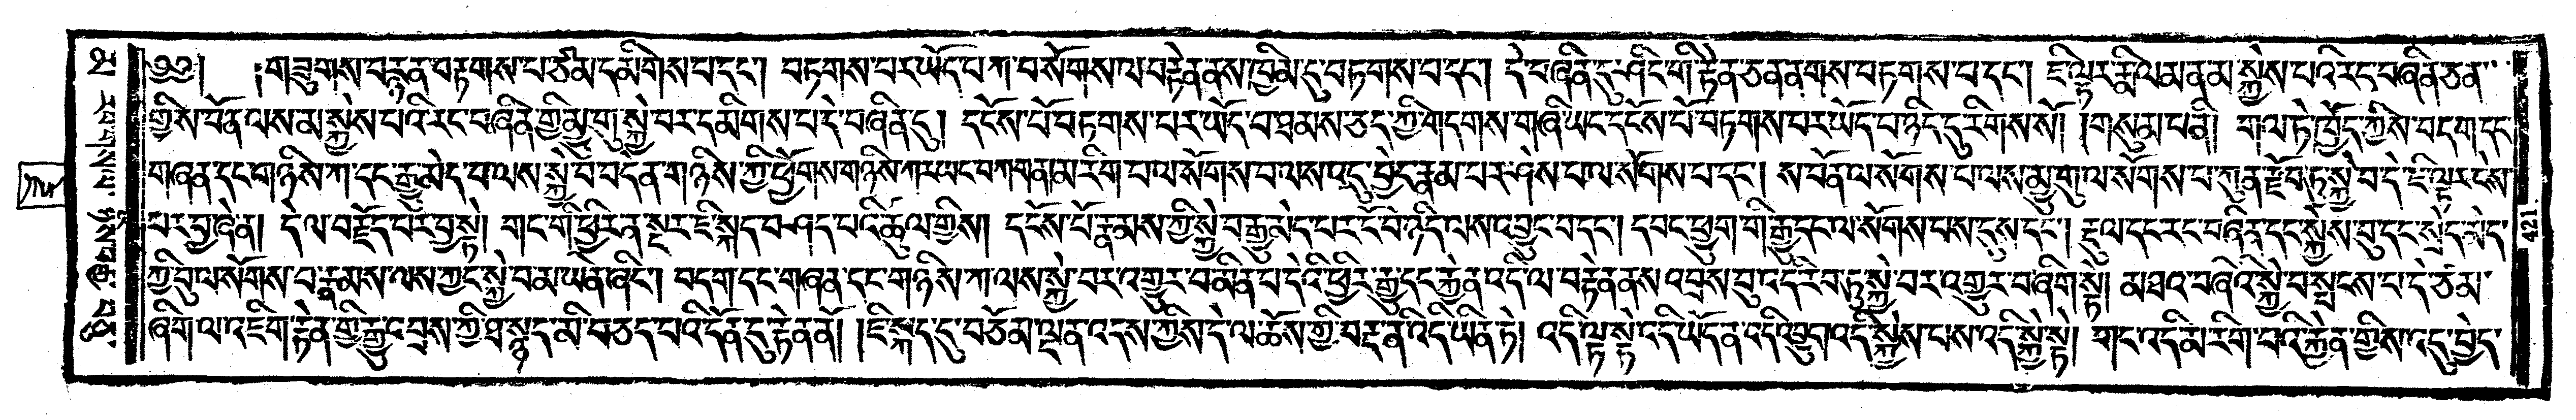༄༅། །གཟུགས་བརྙན་བརྟགས་པ་ཙམ་དམིགས་པ་དང་། བཏགས་པར་ཡོད་པ་ཀ་བ་སོགས་ལ་བརྟེན་ནས་ཁྱིམ་དུ་བཏགས་པ་དང་། དེ་བཞིན་དུ་ཤིང་གི་རྟེན་ཅན་ནགས་བཏགས་པ་དང་། ཇི་ལྟར་རྨི་ལམ་ན་མ་སྐྱེས་པའི་རང་བཞིན་ཅན་
གྱི་ས་བོན་ལས་མ་སྐྱེས་པའི་རང་བཞིན་གྱི་མྱུ་གུ་སྐྱེ་བར་དམིགས་པ་དེ་བཞིན་དུ། དངོས་པོ་བཏགས་པར་ཡོད་པ་ཐམས་ཅད་ཀྱི་གདགས་གཞི་ཡང་དངོས་པོ་བཏགས་པར་ཡོད་པ་ཉིད་དུ་རིགས་སོ། །གསུམ་པ་ནི། གལ་ཏེ་ཁྱོད་ཀྱིས་བདག་དང་
གཞན་དང་གཉིས་ཀ་དང་རྒྱུ་མེད་པ་ལས་སྐྱེ་བ་བདེན་གཉིས་ཀྱི་ཕྱོགས་གཉིས་ཀར་ཡང་བཀག་ན། མ་རིག་པ་ལ་སོགས་པ་ལས་འདུ་བྱེད་རྣམ་པར་ཤེས་པ་ལ་སོགས་པ་དང་། ས་བོན་ལ་སོགས་པ་ལས་མྱུ་གུ་ལ་སོགས་པ་ཀུན་རྫོབ་ཏུ་སྐྱེ་བ་དེ་ཇི་ལྟར་ངེས་
པར་བྱ་ཞེ་ན། དེ་ལ་བརྗོད་པར་བྱ་སྟེ། གང་གི་ཕྱིར་ན་སྔར་ཇི་སྐད་བཤད་པའི་ཚུལ་གྱིས། དངོས་པོ་རྣམས་ཀྱི་སྐྱེ་བ་རྒྱུ་མེད་པར་ངོ་བོ་ཉིད་ལས་འབྱུང་བ་དང་། དབང་ཕྱུག་གི་རྒྱུ་དང་ལ་སོགས་པས་དུས་དང་། རྡུལ་དང་རང་བཞིན་དང་སྐྱེས་བུ་དང་སྲེད་མེད་
ཀྱི་བུ་ལ་སོགས་པ་རྣམས་ལས་ཀྱང་སྐྱེ་བ་མ་ཡིན་ཞིང་། བདག་དང་གཞན་དང་གཉིས་ཀ་ལས་སྐྱེ་བར་འགྱུར་བ་མིན་པ་དེའི་ཕྱིར་རྒྱུ་དང་རྐྱེན་འདི་ལ་བརྟེན་ནས་འབྲས་བུ་འདི་རབ་ཏུ་སྐྱེ་བར་འགྱུར་བ་ཞིག་སྟེ། མཐའ་བཞིའི་སྐྱེ་བ་སྤངས་པ་དེ་ཙམ་
ཞིག་ལ་འཇིག་རྟེན་གྱི་རྒྱུ་འབྲས་ཀྱི་ཐ་སྙད་མི་བཅད་པའི་དོན་དུ་རྟེན་ནོ། །ཇི་སྐད་དུ་བཅོམ་ལྡན་འདས་ཀྱིས་དེ་ལ་ཆོས་ཀྱི་བརྡ་ནི་འདི་ཡིན་ཏེ། འདི་ལྟ་སྟེ་འདི་ཡོད་ན་འདི་འབྱུང་། འདི་སྐྱེས་པས་འདི་སྐྱེ་སྟེ། གང་འདི་མ་རིག་པའི་རྐྱེན་གྱིས་འདུ་བྱེད་